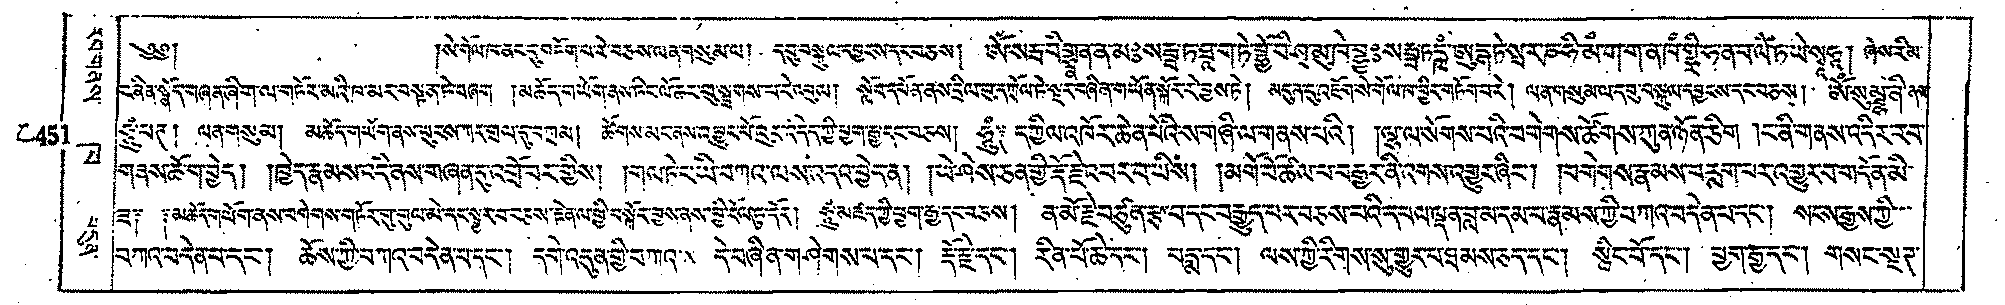༄༅། །སེ་གོལ་ཁ་ནང་དུ་གཏོག་པ་རེ་བཅས་ལན་གསུམ་ལ། དབུ་བསྐུལ་དབྱངས་དང་བཅས། ཨོཾ་སརྦ་བིགྷནན་ན་མཿསརྦྦ་ཏ་ཐཱ་ག་ཏེ་བྷྱོ་བི་ཤྭ་མུ་ཁེ་བྷྱཿ སརྦྦ་ཏ་དྑཾ་ཨུངྒ་ཏེ་སྥ་ར་ཎ་ཧི་མཾ་ག་ག་ན་ཁཾ་གྷྲི་ཧ་ན་བ་ལིཾ་ཏ་ཡེ་སྭཱཧཱ། ཞེས་རིམ་
བཞིན་སྣོད་གཞན་ཞིག་ལ་གཏོར་མའི་ཁ་མར་བསྟན་ཏེ་བཞག །མཆོད་གཡོག་ནས་ཏིང་ལོ་ཆང་བུ་སྦྲགས་པ་རེ་འབུལ། སློབ་དཔོན་ནས་དྲིལ་བུ་དཀྲོལ་ཏེ་སྔར་བཞིན་གཡོན་སྐོར་རེ་བྱས་ཏེ། མདུན་དུ་འཇོག་སེ་གོལ་ཁ་ཕྱིར་གཏོག་པ་རེ། ལན་གསུམ་ལ་དབུ་བསྐུལ་དབྱངས་དང་བཅས། ཨོཾ་སུམྦྷ་ནི་ནས
ཧཱུཾ་ཕཊ། ལན་གསུམ། མཆོད་གཡོག་ནས་ཡུངས་ཀར་གྲལ་དུ་བཀྲམ། ཚོགས་མང་ནས་འབྱུང་པོ་འུར་འདེད་ཀྱི་ཕྱག་རྒྱ་དང་བཅས།  ཧཱུཾ༑ དཀྱིལ་འཁོར་ཆེན་པོའི་ས་གཞི་ལ་གནས་པའི། །ལྷ་ལ་སོགས་པའི་བགེགས་ཚོགས་ཀུན་ཉོན་ཅིག །ང་ནི་གནས་འདིར་རབ་
གནས་ཆོ་ག་བྱེད། །ཁྱེད་རྣམས་འདི་ནས་གཞན་དུ་འགྲོ་བར་གྱིས། །གལ་ཏེ་ང་ཡི་བཀའ་ལས་འདའ་བྱེད་ན། །ཡེ་ཤེས་ཅན་གྱི་རྡོ་རྗེ་འབར་བ་ཡིས། །མགོ་བོ་ཚལ་པ་བརྒྱར་ནི་འགས་འགྱུར་ཞིང་། །བགེགས་རྣམས་བརླག་པར་འགྱུར་བ་གདོན་མི་
ཟ༑ ༑མཆོད་གཡོག་ནས་བགེགས་གཏོར་གུ་གུལ་མེ་དང་སྦྱར་བ་བཅས་རྟེན་ལ་ཕྱི་བསྐོར་བྱས་ནས་ཕྱི་རོལ་ཏུ་དོར། ཧཱུཾ་མཛད་ཀྱི་ཕྱག་རྒྱ་དང་བཅས།  ན་མོ་རྗེ་བཙུན་རྩ་བ་དང་བརྒྱུད་པར་བཅས་པའི་དཔལ་ལྡན་བླ་མ་དམ་པ་རྣམས་ཀྱི་བཀའ་བདེན་པ་དང་། སངས་རྒྱས་ཀྱི་
བཀའ་བདེན་པ་དང་། ཆོས་ཀྱི་བཀའ་བདེན་པ་དང་། དགེ་འདུན་གྱི་བཀའ་྾་དེ་བཞིན་གཤེགས་པ་དང་། རྡོ་རྗེ་དང་། རིན་པོ་ཆེ་དང་། པདམ་དང་། ལས་ཀྱི་རིགས་སུ་གྱུར་པ་ཐམས་ཅད་དང་། སྙིང་པོ་དང་། ཕྱག་རྒྱ་དང་། གསང་སྔཌ་